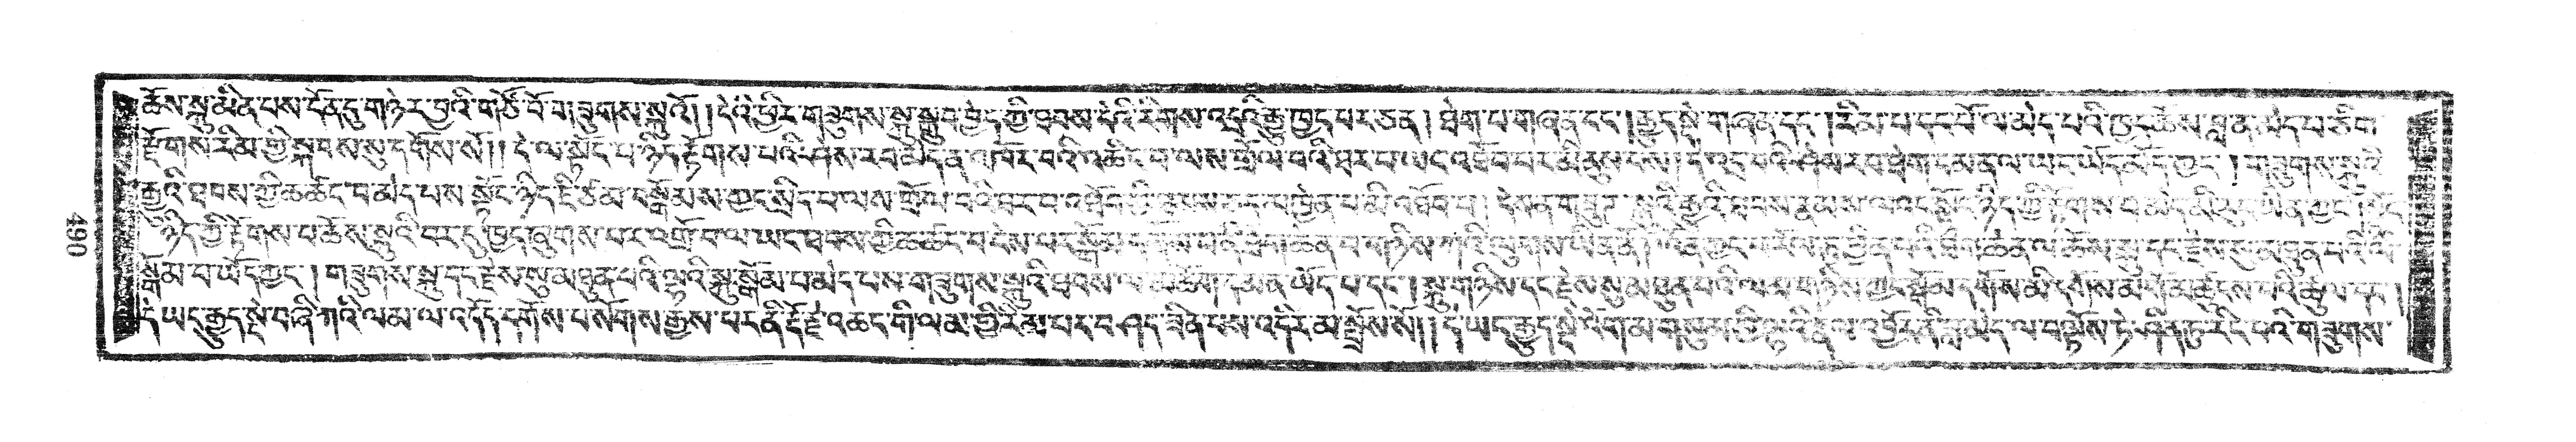ཆོས་སྐུ་མིན་པས་དོན་དུ་གཉེར་བྱའི་གཙོ་བོ་གཟུགས་སྐུའོ། །དེའི་ཕྱིར་གཟུགས་སྐུ་སྒྲུབ་བྱེད་ཀྱི་ཐབས་དེའི་རིགས་འདྲའི་རྒྱུ་ཁྱད་པར་ཅན། ཐེག་པ་གཞན་དང་། རྒྱུད་སྡེ་གཞན་དང་། རིམ་པ་དང་པོ་ལ་མེད་པའི་ཁྱད་ཆོས་བླ་ན་མེད་པ་ཅིག་
རྫོགས་རིམ་གྱི་སྐབས་སུ་དགོས་སོ། །དེ་ལ་སྟོང་པ་ཉིད་རྟོགས་པའི་ཤེས་རབ་མེད་ན་འཁོར་བའི་འཆིང་བ་ལས་གྲོལ་བའི་ཐར་པ་ཡང་འཐོབ་པར་མི་ནུས་པས། དེ་འདྲ་བའི་ཤེས་རབ་ཐེག་དམན་ལ་ཡང་ཡོད་མོད་ཀྱང་། གཟུགས་སྐུའི་
རྒྱུའི་ཐབས་ཀྱི་ཆ་ཚང་བ་མེད་པས་སྟོང་ཉིད་ཇི་ཙམ་བསྒོམས་ཀྱང་སྲིད་པ་ལས་གྲོལ་བའི་ཐར་པ་འཐོབ་ཀྱི་ཐམས་ཅད་མཁྱེན་པ་མི་འཐོབ་པ། དེས་ན་གཟུགས་སྐུའི་རྒྱུའི་ཐབས་རྣམས་ལའང་སྟོང་ཉིད་ཀྱི་རྟོགས་པ་མེད་མི་རུང་ཡིན་ཀྱང་། སྟོང་
ཉིད་ཀྱི་རྟོགས་པ་ཆོས་སྐུའི་བར་དུ་ཁྱད་ཞུགས་པར་འགྲོ་བ་ལ་ཡང་ཐབས་ཀྱི་ཆ་ཚང་བ་ངེས་པར་སྒོམ་དགོས་པ་ནི་ཐེག་ཆེན་པ་གཉིས་ཀའི་ལུགས་ཡིན་ནོ། །འོན་ཀྱང་ཕ་རོལ་ཏུ་ཕྱིན་པའི་ཐེག་ཆེན་ལ་ཆོས་སྐུ་དང་རྗེས་སུ་མཐུན་པའི་ལམ་
སྒོམ་པ་ཡོད་ཀྱང་། གཟུགས་སྐུ་དང་རྗེས་སུ་མཐུན་པའི་ལྷའི་སྐུ་སྒོམ་པ་མེད་པས་གཟུགས་སྐུའི་ཐབས་ལ་མཆོག་དམན་ཡོད་པ་དང་། སྐུ་གཉིས་དང་རྗེས་སུ་མཐུན་པའི་ལམ་གཉིས་ཀྱང་སྒོམ་དགོས་མི་དགོས་མགོ་མཚུངས་པའི་ཚུལ་དང་།
དེ་ཡང་རྒྱུད་སྡེ་བཞི་ཀའི་ལམ་ལ་འདོད་དགོས་པ་སོགས་རྒྱས་པར་ནི་རྡོ་རྗེ་འཆང་གི་ལམ་གྱི་རིམ་པར་བཤད་ཟིན་པས་འདིར་མ་སྤྲོས་སོ། །དེ་ཡང་རྒྱུད་སྡེ་འོག་མ་གསུམ་གྱི་ལྷའི་རྣལ་འབྱོར་ནི་བླ་མེད་ལ་བལྟོས་ཏེ་ཤིན་ཏུ་རིང་པའི་གཟུགས་